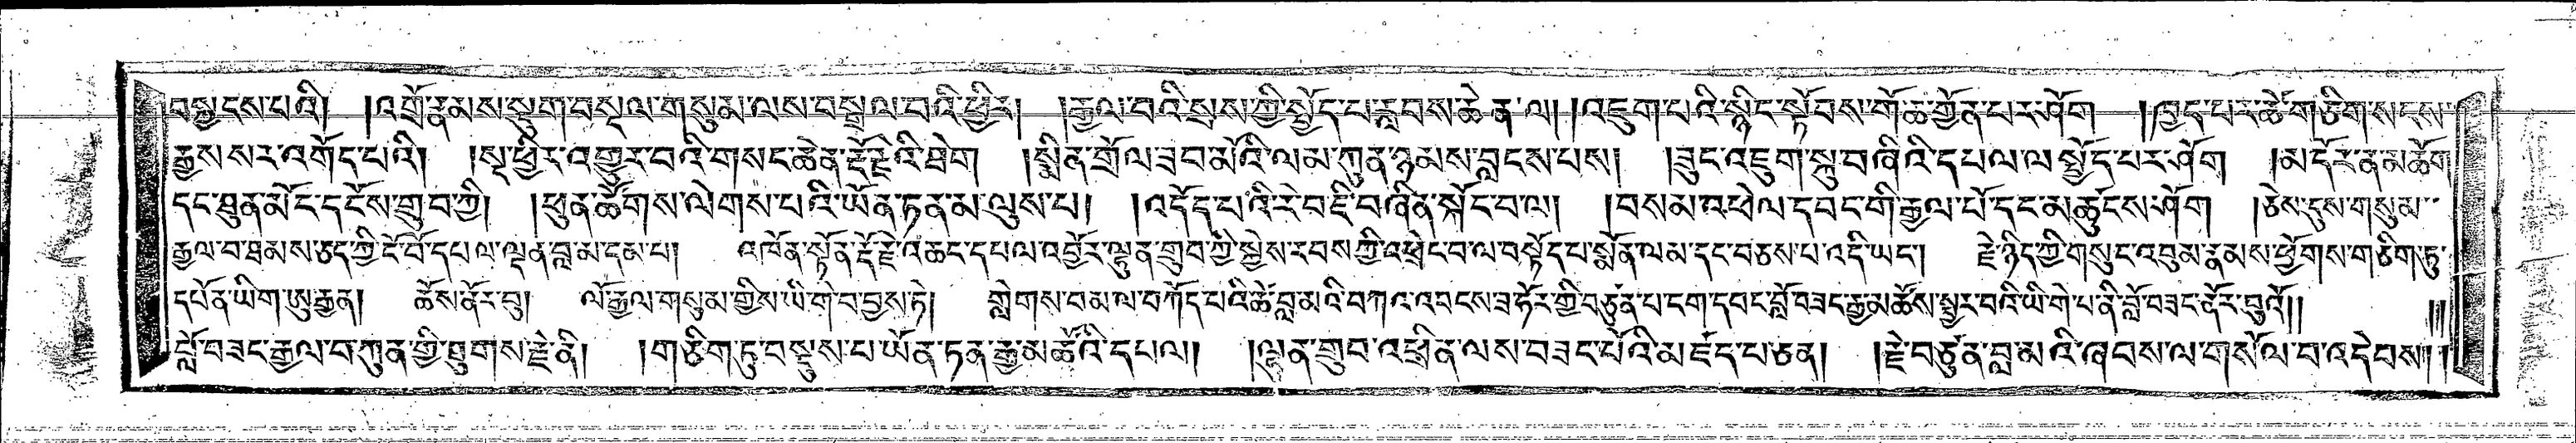བསྐྱངས་པའི། །འགྲོ་རྣམས་སྡུག་བསྔལ་གསུམ་ལས་བསྒྲལ་བའི་ཕྱིར། །རྒྱལ་བའི་སྲས་ཀྱི་སྤྱོད་པ་རླབས་ཆེན་ལ། །འཇུག་པའི་སྙིང་སྟོབས་གོ་ཆ་གྱོན་པར་ཤོག །ཁྱད་པར་ཚེ་གཅིག་སངས་
རྒྱས་སར་འགོད་པའི། །སྔ་ཕྱིར་འགྱུར་པའི་གསང་ཆེན་རྡོ་རྗེའི་ཐེག །སྨིན་གྲོལ་ཟབ་མོའི་ལམ་ཀུན་ཉམས་བླངས་པས། །ཟུང་འཇུག་སྐུ་བཞིའི་དཔལ་ལ་སྤྱོད་པར་ཤོག །མདོར་ན་མཆོག་
དང་ཐུན་མོང་དངོས་གྲུབ་ཀྱི། །ཕུན་ཚོགས་ལེགས་པའི་ཡོན་ཏན་མ་ལུས་པ། །འདོད་པའི་རེ་བ་ཇི་བཞིན་སྐོང་བ་ལ། །བསམ་འཕེལ་དབང་གི་རྒྱལ་པོ་དང་མཚུངས་ཤོག །ཅེས་དུས་གསུམ་
རྒྱལ་བ་ཐམས་ཅད་ཀྱི་ངོ་བོ་དཔལ་ལྡན་བླ་མ་དམ་པ། འཁོན་སྟོན་རྡོ་རྗེ་འཆང་དཔལ་འབྱོར་ལྷུན་གྲུབ་ཀྱི་སྐྱེས་རབས་ཀྱི་འཕྲེང་བ་ལ་བསྟོད་པ་སྨོན་ལམ་དང་བཅས་པ་འདི་ཡང་། རྗེ་ཉིད་ཀྱི་གསུང་འབུམ་རྣམས་ཕྱོགས་གཅིག་ཏུ་
དཔོན་ཡིག་ཨུ་རྒྱན། ཆོས་ནོར་བུ། ལོ་རྒྱལ་གསུམ་གྱིས་ཡི་གེ་བ་བྱས་ཏེ། གླེགས་བམ་ལ་བཀོད་པའི་ཚེ་བླ་མའི་བཀའ་འབངས་ཟ་ཧོར་གྱི་བཙུན་པ་ངག་དབང་བློ་བཟང་རྒྱ་མཚོས་སྦྱར་བའི་ཡི་གེ་པ་ནི་བློ་བཟང་ནོར་བུའོ།། །།
བློ་བཟང་རྒྱལ་བ་ཀུན་གྱི་ཐུགས་རྗེ་ནི། །གཅིག་ཏུ་བསྡུས་པ་ཡོན་ཏན་རྒྱ་མཚོའི་དཔལ། །ལྷུན་གྲུབ་འཕྲིན་ལས་བཟང་པོའི་མཛད་པ་ཅན། །རྗེ་བཙུན་བླ་མའི་ཞབས་ལ་གསོལ་བ་འདེབས། །